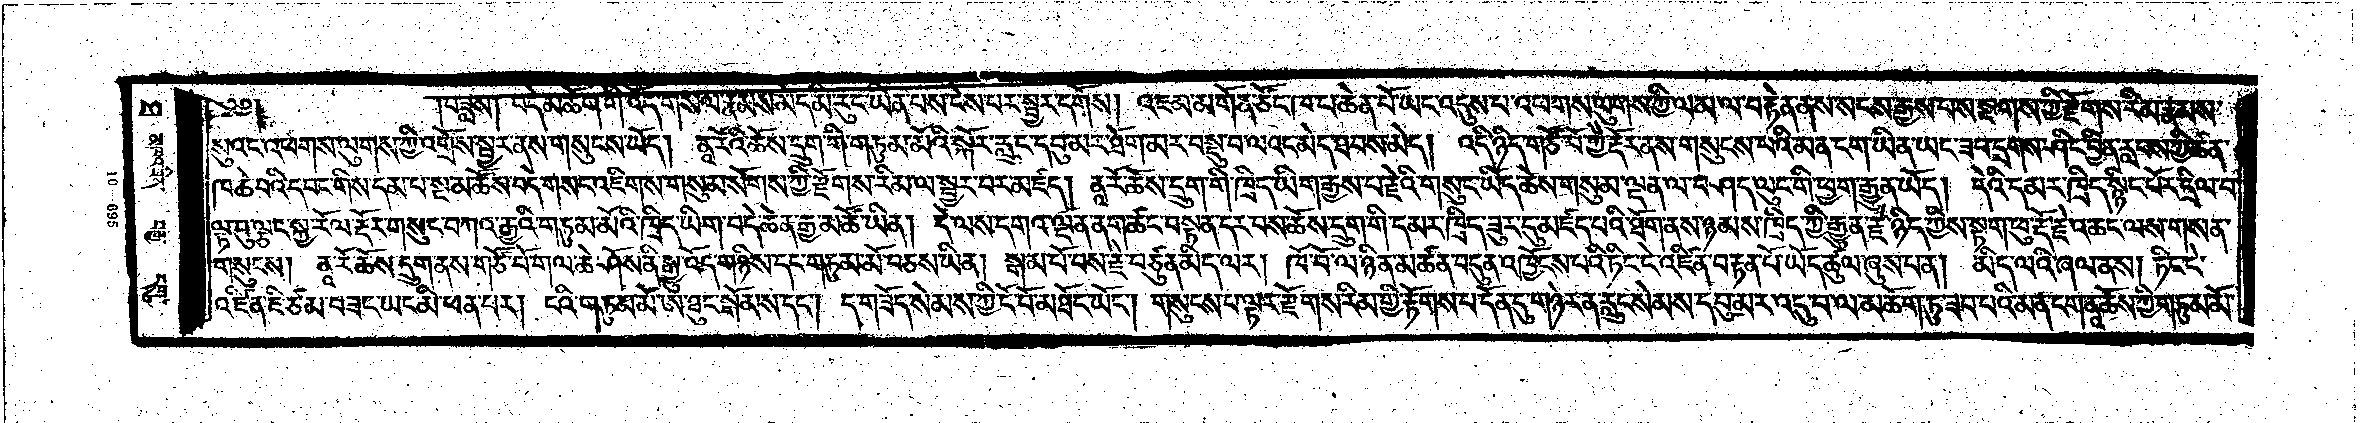༄༅། །བཟླས། བདེ་མཆོག་གི་འོད་གསལ་རྣམས་མེད་མི་རུང་ཡིན་པས་ངེས་པར་སྦྱར་དགོས། འཇམ་མགོན་ཙོང་ཁ་པ་ཆེན་པོ་ཡང་འདུས་པ་འཕགས་ལུགས་ཀྱི་ལམ་ལ་བརྟེན་ནས་སངས་རྒྱས་བས་སྔགས་ཀྱི་རྫོགས་རིམ་རྣམས་
སུའང་འཕགས་ལུགས་ཀྱི་འགྲོས་སྦྱར་ནས་གསུངས་ཡོད། ནཱ་རོའི་ཆོས་དྲུག་གི་གཏུམ་མོའི་སྐོར་རླུང་དབུ་མར་ཐོག་མར་བསྡུ་བ་ལའང་མེད་ཐབས་མེད། འདི་ཉིད་གཙོ་བོ་ཀྱཻ་རྡོར་ནས་གསུངས་པའི་མན་ངག་ཡིན་ཡང་ཟབ་དྲགས་ཤིང་བྱིན་རླབས་ཀྱི་ཚན་
ཁ་ཆེ་པའི་དབང་གིས་དམ་པ་སྔ་མ་ཚོས་བདེ་གསང་འཇིགས་གསུམ་སོགས་ཀྱི་རྫོགས་རིམ་ལ་སྦྱར་བར་མཛད། ནཱ་རོ་ཆོས་དྲུག་གི་ཁྲིད་ཡིག་རྒྱས་པ་རྗེའི་གསུང་ཡིད་ཆེས་གསུམ་ལྡན་ལ་བཤད་ལུང་གི་ཕྱག་རྒྱུན་ཡོད། དེའི་དམར་ཁྲིད་སྙིང་པོར་དྲིལ་བ་
ལྟ་བུ་ལྕང་སྐྱ་རོལ་རྡོར་གསུང་བཀའ་རྒྱའི་གཏུམ་མོའི་ཁྲིད་ཡིག་བདེ་ཆེན་རྒྱ་མཚོ་ཡིན། དེ་ལས་དགའ་ལྡན་ནག་ཚང་བསྟན་དར་བས་ཆོས་དྲུག་གི་དམར་ཁྲིད་ཟུར་དུ་མཛད་པའི་ཐོག་ནས་ཉམས་ཁྲིད་ཀྱི་རྒྱུན་རྗེ་ཉིད་ཀྱིས་སྟག་ཕུ་རྡོ་རྗེ་འཆང་ལས་གསན་
གསུངས། ནཱ་རོ་ཆོས་དྲུག་ནས་གཙོ་བོ་གལ་ཆེ་ཤོས་ནི་སྒྱུ་འོད་གཉིས་དང་གཏུམ་མོ་བཅས་ཡིན། སྒམ་པོ་བས་རྗེ་བཙུན་མིད་ལར། ཁོ་བོ་ལ་ཉིན་མཚན་བདུན་འཁྱོངས་པའི་ཏིང་ངེ་འཛིན་བརྟན་པོ་ཡོད་ཚུལ་ཞུས་པ་ན། མིད་ལའི་ཞལ་ནས། ཏིང་ངེ་
འཛིན་ཇི་ཙམ་བཟང་ཡང་མི་ཕན་པར། ངའི་གཏུམ་མོ་ཨཾ་ཐུང་སྒོམས་དང་། ད་གཟོད་སེམས་ཀྱི་ངོ་བོ་མཐོང་ཡོང་། གསུངས་བ་ལྟར་རྫོགས་རིམ་གྱི་རྟོགས་པ་དོན་དུ་གཉེར་ན་རླུང་སེམས་དབུ་མར་འདུ་བ་ལ་མཆོག་ཏུ་ཟབ་བའི་མན་ངག་ནཱ་ཆོས་ཀྱི་གཏུམ་མོ་